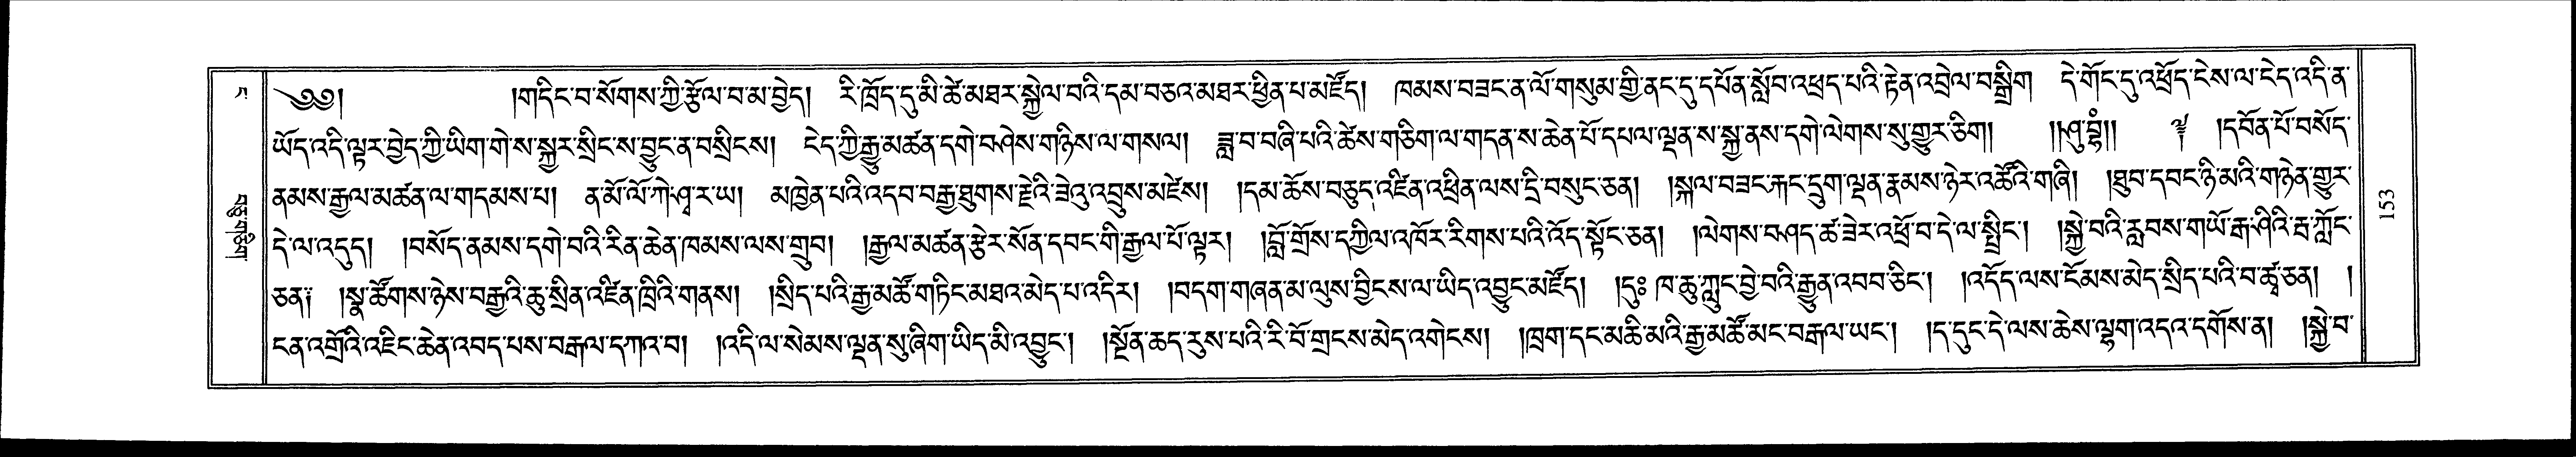༄༅། །གདིང་བ་སོགས་ཀྱི་རྩོལ་བ་མ་བྱེད། རི་ཁྲོད་དུ་མི་ཚེ་མཐར་སྐྱེལ་བའི་དམ་བཅའ་མཐར་ཕྱིན་པ་མཛོད། ཁམས་བཟང་ན་ལོ་གསུམ་གྱི་ནང་དུ་དཔོན་སློབ་འཕྲད་པའི་རྟེན་འབྲེལ་བསྒྲིག་དེ་གོང་དུ་འཕྲོད་ངེས་ལ་ངེད་འདི་ན་
ཡོད་འདི་ལྟར་བྱེད་ཀྱི་ཡིག་གེ་ས་སྐྱར་སྲིང་ས་བྱུང་ན་བསྲིངས། ངེད་ཀྱི་རྒྱུ་མཚན་དགེ་བཤེས་གཉིས་ལ་གསལ། ཟླ་བ་བཞི་པའི་ཚེས་གཅིག་ལ་གདན་ས་ཆེན་པོ་དཔལ་ལྡན་ས་སྐྱ་ནས་དགེ་ལེགས་སུ་གྱུར་ཅིག། །།ཤུ་བྷཾ།། ༈ །དབོན་པོ་བསོད་
ནམས་རྒྱལ་མཚན་ལ་གདམས་པ། ན་མོ་ལོ་ཀེ་ཤྭ་ར་ཡ། མཁྱེན་པའི་འདབ་བརྒྱ་ཐུགས་རྗེའི་ཟེའུ་འབྲུས་མཛེས། །དམ་ཆོས་བཅུད་འཛིན་འཕྲིན་ལས་དྲི་བསུང་ཅན། །སྐལ་བཟང་རྐང་དྲུག་ལྡན་རྣམས་ཉེར་འཚོའི་གཞི། །ཐུབ་དབང་ཉི་མའི་གཉེན་གྱུར་
དེ་ལ་འདུད། །བསོད་ནམས་དགེ་བའི་རིན་ཆེན་ཁམས་ལས་གྲུབ། །རྒྱལ་མཚན་རྩེར་སོན་དབང་གི་རྒྱལ་པོ་ལྟར། །བློ་གྲོས་དཀྱིལ་འཁོར་རིགས་པའི་འོད་སྟོང་ཅན། །ལེགས་བཤད་ཚ་ཟེར་འཕྲོ་བ་དེ་ལ་སྤྲིང་། །སྐྱེ་བའི་རླབས་གཡོ་རྒ་ཤིའི་རྦ་ཀློང་
ཅན། །སྣ་ཚོགས་ཉེས་བརྒྱའི་ཆུ་སྲིན་འཛིན་ཁྲིའི་གནས། །སྲིད་པའི་རྒྱ་མཚོ་གཏིང་མཐའ་མེད་པ་འདིར། །བདག་གཞན་མ་ལུས་བྱིངས་ལ་ཡིད་འབྱུང་མཛོད། །དུཿ ཁ་ཆུ་ཀླུང་བྱེ་བའི་རྒྱུན་འབབ་ཅིང་། །འདོད་ལས་ངོམས་མེད་སྲིད་པའི་བ་ཚྭ་ཅན། །
ངན་འགྲོའི་འཇིང་ཆེན་འབད་པས་བརྒལ་དཀའ་བ། །འདི་ལ་སེམས་ལྡན་སུ་ཞིག་ཡིད་མི་འབྱུང་། །སྔོན་ཆད་རུས་པའི་རི་བོ་གྲངས་མེད་འགེངས། །ཁྲག་དང་མཆི་མའི་རྒྱ་མཚོ་མང་བརྒལ་ཡང་། །ད་དུང་དེ་ལས་ཆེས་ལྷག་འདའ་དགོས་ན། །སྐྱེ་བ་